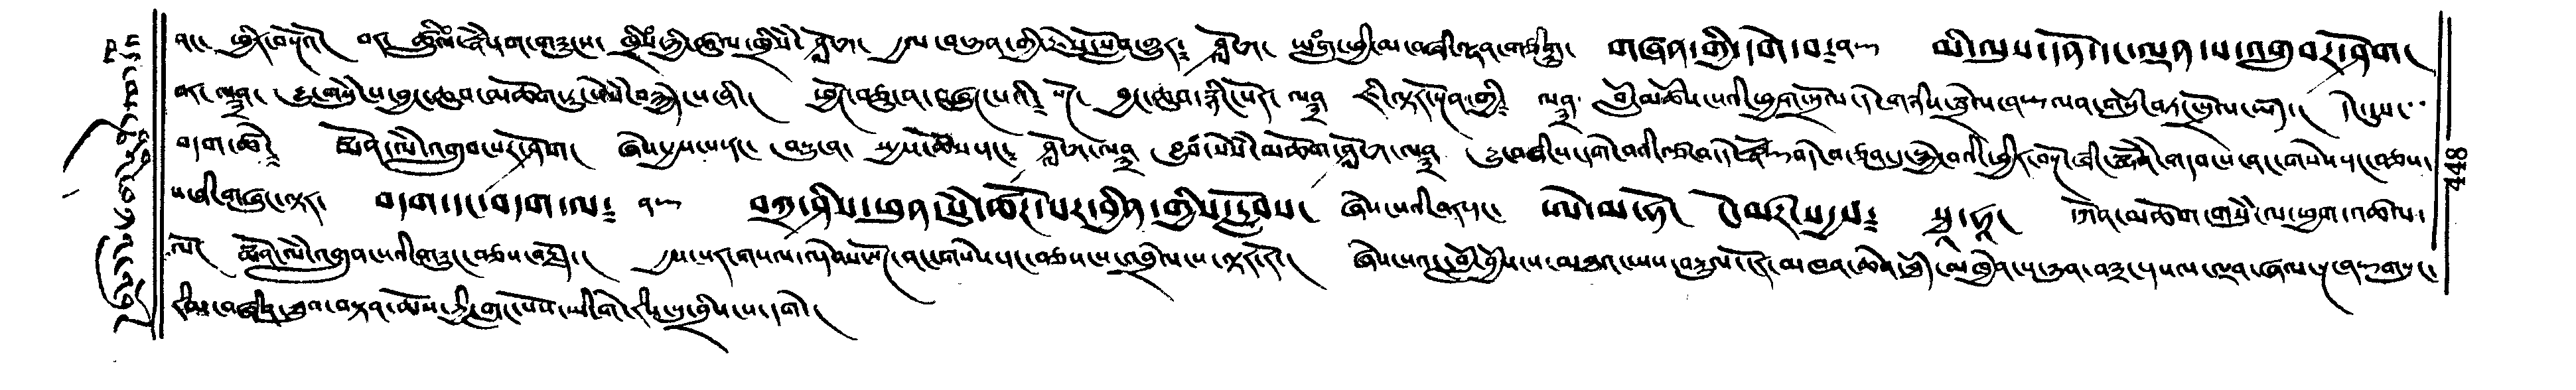ནང་། ཕྱིར་བསྔོའོ། བར། ཚུལ་ཁྲིམས་རྣམ་དག་གཟུངས། ཁྲིམས་ཀྱི་ཚུལ་ཁྲིམས༴ ཤླཽ་ཀ རྒྱལ་བ་ཀུན་གྱི་རྗེས་སུ་བདག་སློབ་གྱུར༴ ཤློ་ཀ། ཡན་ལག་ཕྱི་མ་བཞི་ལྷན་གཅིག་ཏུ། གཞན་གྱི་དགེ་བ་ནས། མི་ལུས་དོན་དང་ལྡན་པ་འགྲུབ་བར་ཤོག 
བར་ལན་གསུམ། རྒྱུ་གསུམ་པ་བྱང་ཆུབ་མཆོག་ཏུ་སེམས་བསྐྱེད་པ་ནི། ཕྱོགས་བཅུ་ན་བཞུགས་པའི༴ སོགས། བྱང་ཆུབ་སྙིང་པོར༴ ལན་གསུམ། ཇི་ལྟར་སྔོན་གྱི༴ ལན་གསུམ།བླ་མ་མཚམས་པའི་ཕྱག་སྲོལ་དེ་གཉིས་སྦྲེལ་ནས་ལན་གསུམ་བཏང་སྲོལ་ཡོད། དེང་དུས་
བདག་ཚེ༴ སྨོན་ལམ་འགྲུབ་པར་ཤོག ཞེས་རྒྱས་པ་དང་། བསྡུ་ན། སངས་རྒྱས་ཆོས་དང༴ ཤླཽ་ཀ་ལན་གསུམ། བྱང་ཆུབ་མཆོག་ཤློ་ཀ་ལན་གསུམ། རྒྱུ་བཞི་པ་དགེ་བའི་རྩ་བ་དེ་རྣམས་བདེ་བ་ཅན་དུ་སྐྱེ་བའི་ཕྱིར་བསྔོ་ཞིང་སྨོན་ལམ་གདབ་པ་ནང་གསེས་དང་བཅས་
པ་ནི་གཞུང་ལྟར། བདག་དང་བདག་ལ༴ ནས། བཀྲ་ཤིས་ཕུན་སུམ་ཚོགས་པར་བྱིན་གྱིས་རློབས། ཞེས་པའི་བར་དང་། ཨེ་མ་ཧོཿ ངོ་མཚར་སངས་རྒྱས༴ སྭ་ཧཱཿ དཀོན་མཆོག་གསུམ་ལ་ཕྱག་འཚལ་
ལོ། སྨོན་ལམ་འགྲུབ་པའི་གཟུངས་བཅས་བརྗོད། རྒྱས་པར་གསལ་འདེབས་སོགས་ནང་གསེས་དང་བཅས་པ་འབྲེལ་པ་ལྟར་རོ། །ཞེས་པའང་བླ་མ་བྱམས་པ་མཐའ་ཡས་ཀྱིས་བསྐུལ་ངོར་མཁན་ཆེན་ཐམས་ཅད་མཁྱེན་པ་ཀུན་བཟང་དཔལ་ལྡན་ཞལ་སྔ་ནས་གསུང་
རིམ་བཞིན་ཐུབ་བསྟན་ཆོས་ཀྱི་གླང་པོས་ཡི་གེའི་རིས་སུ་བྲིས་པ་དགེ།། བཀྲ་ཤིས།།